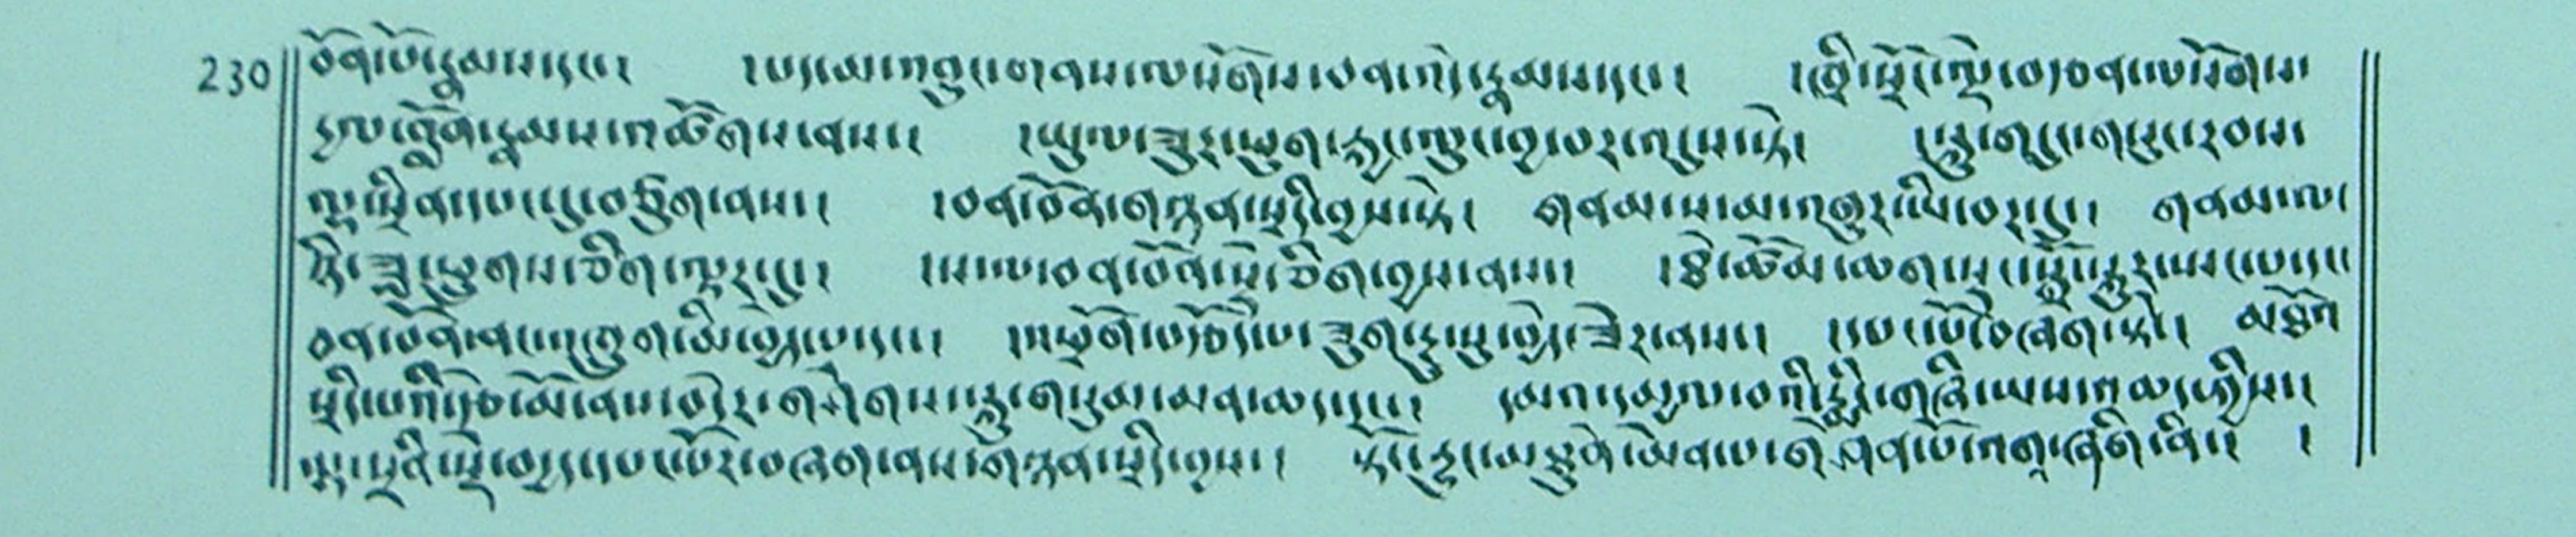བོན་པོ་རྣམས་དང་། པད་མ་འབྱུང་གནས་ལས་སོགས་བན་དྷེ་རྣམས་དང་། ཁྲི་སྲོང་ལྡེ་བཙན་ལ་སོགས་
རྒྱལ་བློན་རྣམས་འཚོགས་ནས། ཡུལ་ཟུར་ཕུག་རྐྱང་ལུང་བྱ་བར་འདུས་ཏེ། སྐུ་གདུང་གསུང་རབ་
ལྷ་སྲིན་དཔང་དུ་གཙུགས་ནས། བན་བོན་གཉན་སྲིད་བྱས་ཏེ། གནམ་ས་མ་འགྱུར་གྱི་བར་དུ། གནམ་ལ་
ཉི་ཟླ་ཕྲུགས་གཅིག་ལྟར་དུ། ས་ལ་བན་བོན་སྡེ་གཅིག་བྱས་ནས། ཐེ་ཚོམ་ཆགས་སྡང་སྒྲོ་སྐུར་སྤངས་པ་དང་། 
བན་བོན་ནང་འཁྲུག་མི་བྱེད་པ་དང་། འཕྲག་དོག་བརྩོད་པ་ཟུག་རྔུ་སུ་བྱེད་ཟེར་ནས། དཔང་པོ་བཞག་སྟེ། མཐོའ་
སྲིད་པའི་རྩེ་མོ་ནས་བདེར་གཤེགས་སྐུ་གསུམ་མན་ཆད་དང་། དམའ་དམྱལ་བའི་རྨིང་གཞི་ཡན་ཆད་ཀྱིས། 
ལྷ་སྲིན་སྡེ་བརྒྱད་དཔང་བོར་བཞག་ནས་གཉན་སྲིད་བྱས། །སྟོང་རྒྱུང་མཐུ་ཆེན་མིན་པ་གཤེན་པོ་འགའ་ཞིག་ནི།